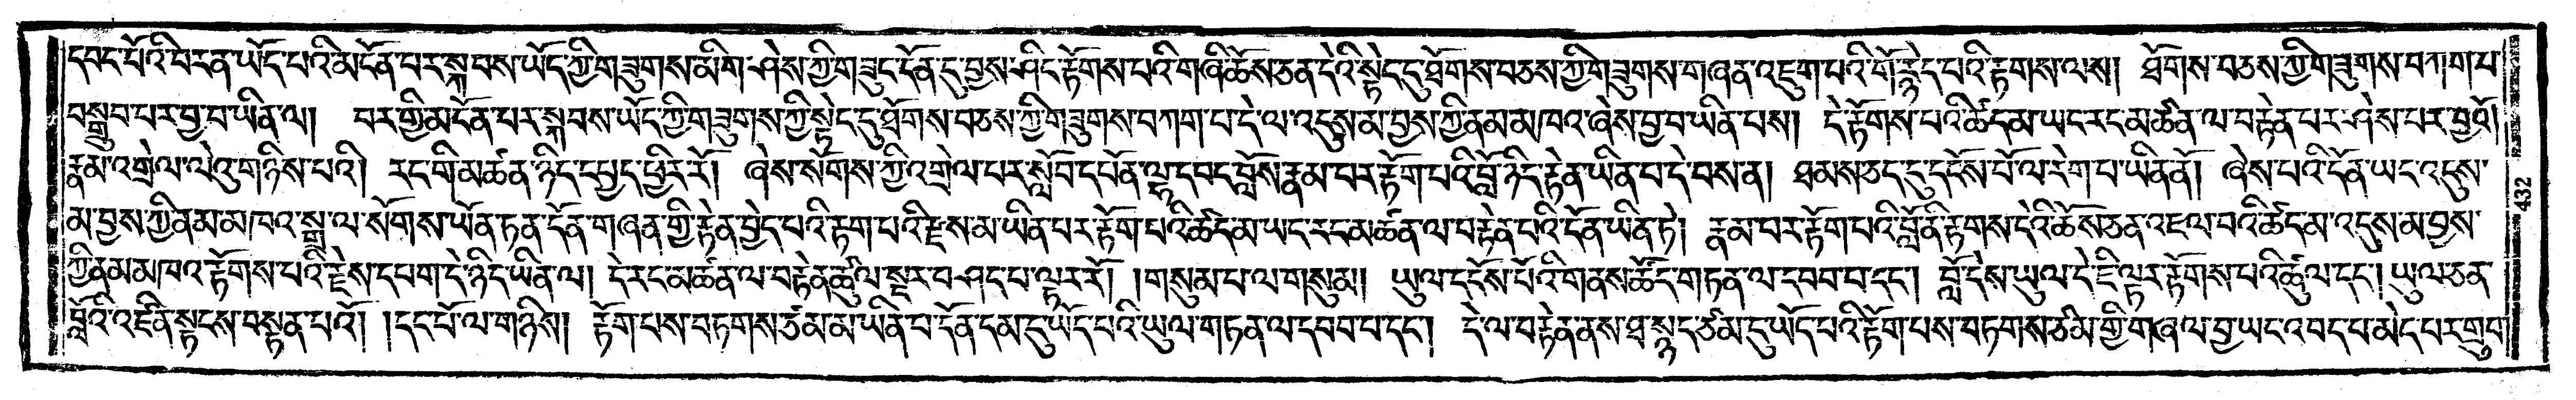དབང་པོའི་བར་ན་ཡོད་པའི་མངོན་པར་སྐབས་ཡོད་ཀྱི་གཟུགས་མིག་ཤེས་ཀྱི་གཟུང་དོན་དུ་བྱས་ཤིང་རྟོགས་པའི་གཞི་ཆོས་ཅན་དེའི་སྟེང་དུ་ཐོགས་བཅས་ཀྱི་གཟུགས་གཞན་འཇུག་པའི་གོ་རྙེད་པའི་རྟགས་ལས། ཐོགས་བཅས་ཀྱི་གཟུགས་བཀག་པ་
བསྒྲུབ་པར་བྱ་བ་ཡིན་ལ། བར་གྱི་མངོན་པར་སྐབས་ཡོད་ཀྱི་གཟུགས་ཀྱི་སྟེང་དུ་ཐོགས་བཅས་ཀྱི་གཟུགས་བཀག་པ་དེ་ལ་འདུས་མ་བྱས་ཀྱི་ནམ་མཁའ་ཞེས་བྱ་བ་ཡིན་པས། དེ་རྟོགས་པའི་ཚད་མ་ཡང་རང་མཚན་ལ་བརྟེན་པར་ཤེས་པར་བྱའོ།
རྣམ་འགྲེལ་ལེའུ་གཉིས་པའི། རང་གི་མཚན་ཉིད་དཔྱད་ཕྱིར་རོ། ཞེས་སོགས་ཀྱི་འགྲེལ་པར་སློབ་དཔོན་ལྷ་དབང་བློས་རྣམ་པར་རྟོག་པའི་བློ་ཉིད་རྟེན་ཡིན་པ་དེ་བས་ན། ཐམས་ཅད་དུ་དངོས་པོ་ལ་རེག་པ་ཡིན་ནོ། ཞེས་པའི་དོན་ཡང་འདུས་
མ་བྱས་ཀྱི་ནམ་མཁའ་སྒྲ་ལ་སོགས་ཡོན་ཏན་དོན་གཞན་གྱི་རྟེན་བྱེད་པའི་རྟག་པའི་རྫས་མ་ཡིན་པར་རྟོག་པའི་ཚད་མ་ཡང་རང་མཚན་ལ་བརྟེན་པའི་དོན་ཡིན་ཏེ། རྣམ་པར་རྟོག་པའི་བློ་ནི་རྟགས་དེའི་ཆོས་ཅན་འཇལ་བའི་ཚད་མ་འདུས་མ་བྱས་
ཀྱི་ནམ་མཁའ་རྟོགས་པའི་རྗེས་དཔག་དེ་ཉིད་ཡིན་ལ། དེ་རང་མཚན་ལ་བརྟེན་ཚུལ་སྔར་བཤད་པ་ལྟར་རོ། །གསུམ་པ་ལ་གསུམ། ཡུལ་དངོས་པོའི་གནས་ཚོད་གཏན་ལ་དབབ་པ་དང་། བློ་དེས་ཡུལ་དེ་ཇི་ལྟར་རྟོགས་པའི་ཚུལ་དང་། ཡུལ་ཅན་
བློའི་འཛིན་སྟངས་བསྟན་པའོ། །དང་པོ་ལ་གཉིས། རྟོག་པས་བཏགས་ཙམ་མ་ཡིན་པ་དོན་དམ་དུ་ཡོད་པའི་ཡུལ་གཏན་ལ་དབབ་པ་དང་། དེ་ལ་བརྟེན་ནས་ཐ་སྙད་ཙམ་དུ་ཡོད་པའི་རྟོག་པས་བཏགས་ཙམ་གྱི་གཞལ་བྱ་ཡང་འབད་པ་མེད་པར་གྲུབ་